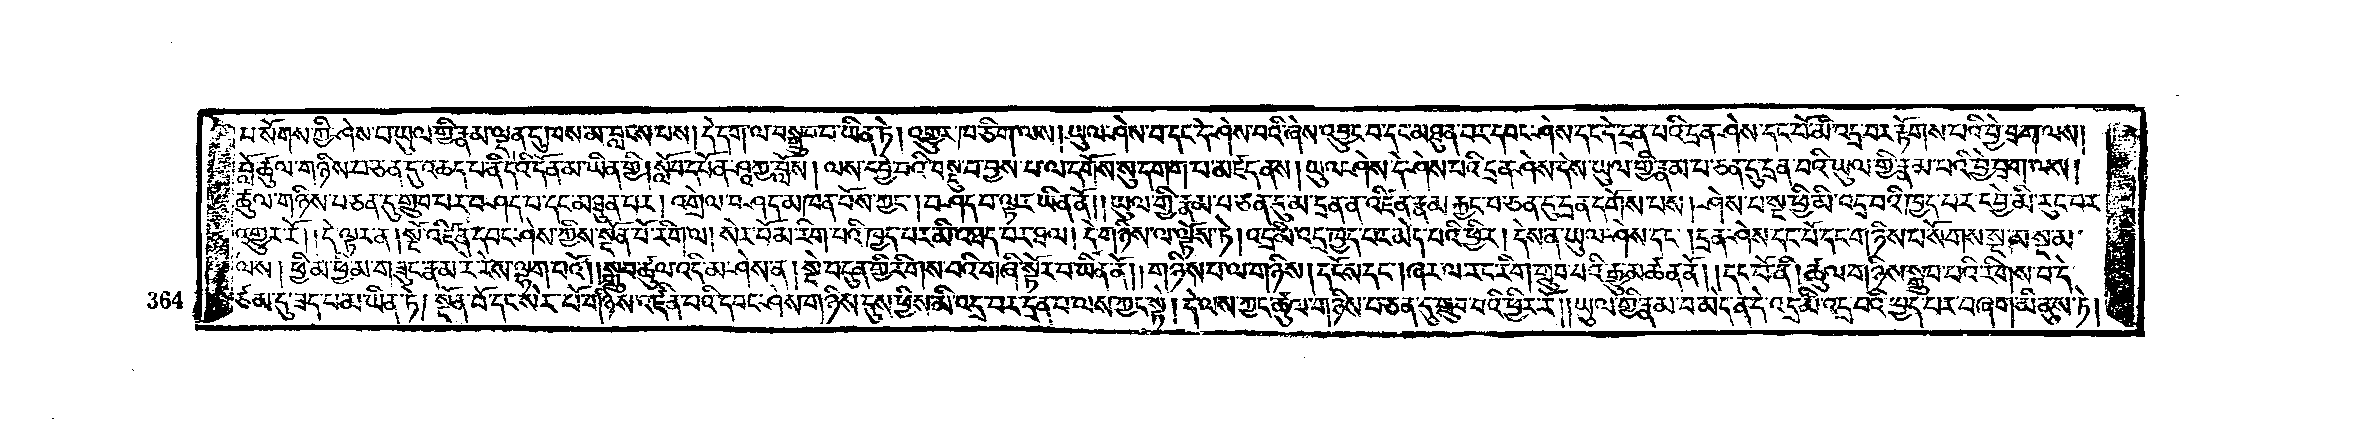པ་སོགས་ཀྱི་ཤེས་པ་ཡུལ་གྱི་རྣམ་ལྡན་དུ་ཁས་མ་བླངས་པས། དེ་དག་ལ་བསྒྲུབ་པ་ཡིན་ཏེ། འགྱུར་ཁ་ཅིག་ལས། ཡུལ་ཤེས་པ་དང་དེ་ཤེས་པ་དང་དེ་ཤེས་བའི་ཞེས་འབྱུང་བ་དང་མཐུན་པར་དབང་ཤེས་དང་དེ་དྲན་པའི་དན་ཤེས་དང་པོ་མི་འདྲ་བྲག་རྟོགས་པའི་བྱེ་བྲག་ལས།
བློ་ཚུལ་གཉིས་པ་ཅན་དུ་འཆད་པ་ནི་དེའི་དོན་མ་ཡིན་གྱི། སློབ་དཔོན་ཤཱཀྱ་བློས། ལས་དབྱེ་བའི་བསྡུ་བ་བྱས་པ་ལ་དགོས་སུ་དགག་པ་མཛད་ནས། ཡུལ་ཤེས་དེ་ཤེས་པའི་དྲན་ཤེས་དེས་ཡུལ་གྱི་རྣམ་པ་ཅན་དུ་དྲན་པའི་ཡུལ་གྱི་རྣམ་པར་བྱེ་བྲག་ལས་
ཚུལ་གཉིས་པ་ཅན་དུ་གྲུབ་པར་བཤད་པ་དང་མཐུན་པར། འགྲེལ་བཤད་མཁན་པོས་ཀྱང་། བཤད་པ་ལྟར་ཡིན་ནོ། །ཡུལ་གྱི་རྣམ་པ་ཅན་དུ་མ་དྲན་ན་འཛིན་རྣམ་རྐྱང་པ་ཅན་དུ་དྲན་དགོས་པས། ཤེས་པ་སྔ་ཕྱི་མི་འདྲ་བའི་ཁྱད་པར་དབྱེ་མི་རུང་བར་
འགྱུར་རོ། །དེ་ལྟར་ན། སྔོན་འཛིན་དབང་ཤེས་ཀྱི་སྔོན་པོ་རིག་ལ། སེར་བོ་མ་རིག་པའི་ཁྱད་པར་མི་འཐད་པར་ཐལ། དེ་གཉིས་ལ་ལྟོས་ཏེ། འདྲ་མི་འདྲ་ཁྱད་པར་མེད་པའི་ཕྱིར། དེས་ན་ཡུལ་ཤེས་དང་། དྲན་ཤེས་དང་པོ་དང་གཉིས་པ་སོགས་སྔ་མ་སྔ་མ་
ལས། ཕྱི་མ་ཕྱི་མ་གཟུང་རྣམ་རེ་རེས་ལྷག་པའོ། །སྒྲུབ་ཚུལ་འདི་མ་ཤེས་ན། སྡེ་བདུན་གྱི་རིགས་པའི་གཞི་སྟོར་བ་ཡིན་ནོ། །གཉིས་པ་ལ་གཉིས། དངོས་དང་། ཞར་ལ་རང་རིག་གྲུབ་པའི་རྒྱུ་མཚན་ནོ། །དང་པོ་ནི། ཚུལ་གཉིས་སྒྲུབ་པའི་རིགས་པ་དེ་
ཙམ་དུ་ཟད་པ་མ་ཡིན་ཏེ། སྔོན་པོ་དང་སེར་པོ་གཉིས་འཛིན་པའི་དབང་ཤེས་གཉིས་དུས་ཕྱིས་མི་འདྲ་བར་དྲན་པ་ལས་ཀྱང་སྟེ། དེ་ལས་ཀྱང་ཚུལ་གཉིས་པ་ཅན་དུ་གྲུབ་པའི་ཕྱིར་རོ། །ཡུལ་གྱི་རྣམ་པ་མེད་ན་དེ་འདྲ་མི་འདྲ་བའི་ཕྱད་པར་བཞག་མི་ནུས་ཏེ།